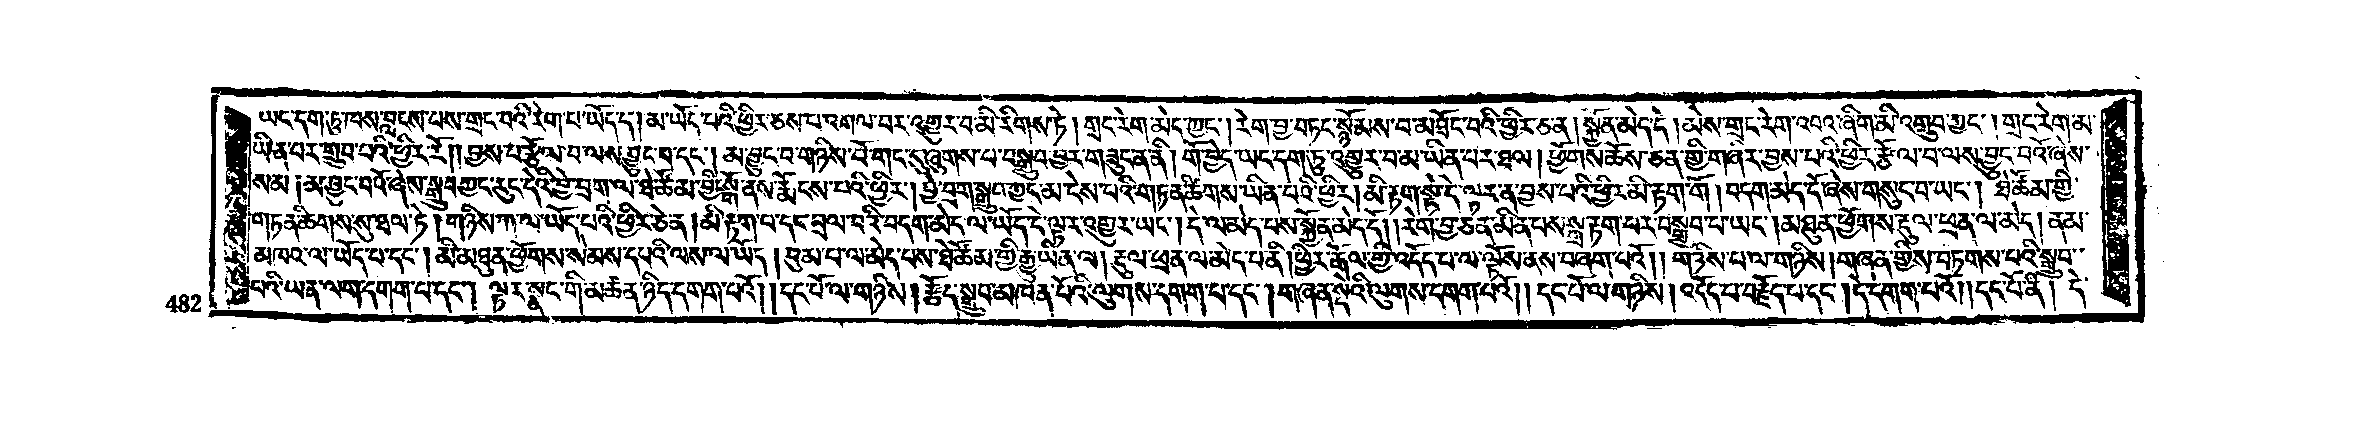ཡང་དག་ཏུ་ཁས་བླངས་པས་གྲང་བའི་རེག་པ་ཡོད་དེ། མ་ཡོད་པའི་ཕྱིར་ཅེས་པ་འགལ་བར་འགྱུར་བ་མི་རིགས་ཏེ། གྲང་རེག་མེད་ཀྱང་། རེག་བྱ་བཏང་སྙོམས་པ་མཐོང་བའི་ཕྱིར་ཅེ་ན། སྐྱོན་མེད་དེ། མེས་གྲང་རེག་འབའ་ཞིག་མི་འགྲུབ་ཀྱང་། གྲང་རེག་མ་
ཡིན་པར་གྲུབ་པའི་ཕྱིར་རོ། །བྱས་པ་རྩོལ་བ་ལས་བྱུང་བ་དང་། མ་བྱུང་བ་ཉིད་པོ་གང་དུ་ཞུགས་པ་བསྒྲུབ་བྱར་གཟུང་ན་ནི། གོ་བྱེད་ཡང་དག་ཏུ་འགྱུར་བ་མ་ཡིན་པར་ཐལ། ཕྱོགས་ཆོས་ཅན་གྱི་གཞིར་བྱས་པའི་ཕྱིར་རྩོལ་བ་ལས་བྱུང་བའོ་ཞེས་
སམ༑ མ་བྱུང་བའོ་ཞེས་སྒྲུབ་ཀྱང་རུང་དེའི་བྱེ་བྲག་ལ་ཐེ་ཚོམ་བྱིང་སྒོ་ནས་རྨོངས་པའི་ཕྱིར། བྱེ་བྲག་སྒྲུབ་ཀྱང་མ་ངེས་པའི་གཏན་ཚིགས་ཡིན་པའི་ཕྱིར། མི་རྟག་སྟེ་དེ་ལྟར་ན་བྱས་པའི་ཕྱིར་མི་རྟག་གོ །བདག་མེད་དོ་ཞེས་གསུངས་པ་ཡང་། ཐེ་ཚོམ་གྱི་
གཏན་ཚིགས་སུ་ཐལ་ཏེ། གཉིས་ཀ་ལ་ཡོད་པའི་ཕྱིར་ཅེ་ན། མི་རྟག་པ་དང་བྲལ་བའི་བདག་མེད་ལ་ཡོད་དེ་ལྟར་འགྱུར་ཡང་། དེ་ལ་མེད་པས་སྐྱོན་མེད་དོ། །རེག་བྱ་ཅན་མིན་པས་སྒྲ་རྟག་པར་བསྒྲུབ་པ་ཡང་། མཐུན་ཕྱོགས་རྡུལ་ཕྲན་ལ་མེད། ནམ་
མཁའ་ལ་ཡོད་པ་དང་མི་མཐུན་ཕྱོགས་སེམས་དཔའི་ལས་ལ་ཡོད། བུམ་པ་ལ་མེད་པས་ཐེ་ཚོམ་གྱི་རྒྱུ་ཡིན་ལ། རྡུལ་ཕྲན་ལ་མེད་པ་ནི། ཕྱིར་རྒོལ་གྱི་འདོད་པ་ལ་ལྟོས་ནས་བཞག་པའོ། །གཉིས་པ་ལ་གཉིས། གཞན་གྱིས་བཏགས་པའི་སྒྲུབ་
པའི་ཡན་ལག་དགག་པ་དང་། ལྟར་སྣང་གི་མཚན་ཉིད་དགག་པའོ། །དང་པོ་ལ་གཉིས། རྩོད་སྒྲུབ་མཁན་པོའི་ལུགས་དགག་པ་དང་། གཞན་སྡེའི་ལུགས་དགག་པའོ། །དང་པོ་ལ་གཉིས། འདོད་པ་བརྗོད་པ་དང་། དེ་དགག་པའོ། །དང་པོ་ནི་དེ་